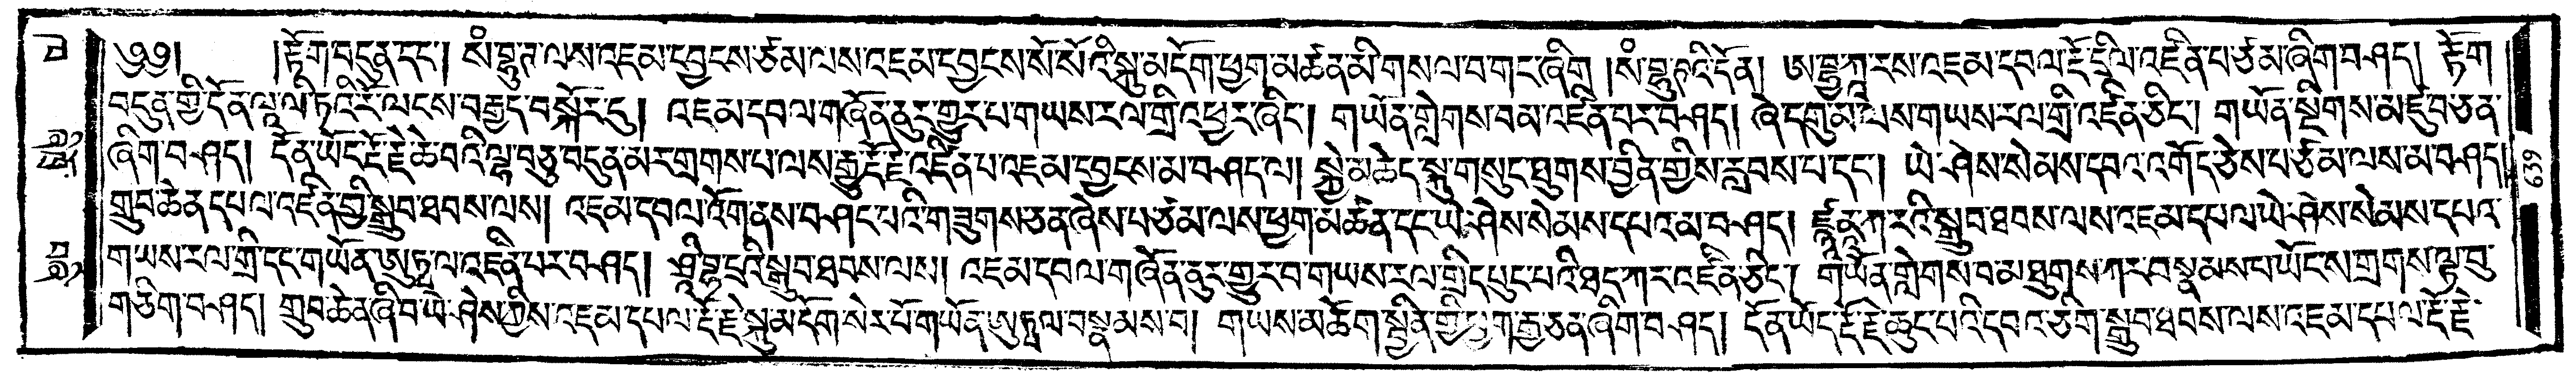༄༅། །རྟོག་བདུན་དང་། སཾ་བྷུ་ཊ་ལས་འཇམ་དབྱངས་ཙམ་ལས་འཇམ་དབྱངས་སོ་སོའི་སྐུ་མདོག་ཕྱག་མཚན་མི་གསལ་བ་གང་ཞིག །སཾ་བྷུ་ཊའི་དོན། ཨ་བྷྱ་ཀཱ་རས་འཇམ་དཔལ་རྡོ་དྲིལ་འཛིན་པ་ཙམ་ཞིག་བཤད། རྟོག་
བདུན་གྱི་དོན་ལཱ་ལི་ཏའི་རོ་ལངས་བརྒྱད་བསྐོར་དུ། འཇམ་དཔལ་གཞོན་ནུར་གྱུར་པ་གཡས་རལ་གྲི་འཕྱར་ཞིང་། གཡོན་གླེགས་བམ་འཛིན་པར་བཤད། ཞེ་དགུ་མ་ལས་གཡས་རལ་གྲི་འཛིན་ཅིང་། གཡོན་སྡིགས་མཛུབ་ཅན་
ཞིག་བཤད། དོན་ཡོད་རྡོ་རྗེ་ཆེ་བའི་ལྷ་བཅུ་བདུན་མར་གྲགས་པ་ལས་རྒྱུ་རྡོ་རྗེ་འཛིན་པ་འཇམ་དབྱངས་མ་བཤད་ལ། སྐྱེ་མཆེད་སྐུ་གསུང་ཐུགས་བྱིན་གྱིས་རླབས་པ་དང་། ཡེ་ཤེས་སེམས་དཔའ་འགོད་ཅེས་པ་ཙམ་ལས་མ་བཤད།
གྲུབ་ཆེན་དཔལ་འཛིན་གྱི་སྒྲུབ་ཐབས་ལས། འཇམ་དཔལ་འོག་ནས་བཤད་པའི་གཟུགས་ཅན་ཞེས་པ་ཙམ་ལས་ཕྱག་མཚན་དང་ཡེ་ཤེས་སེམས་དཔའ་མ་བཤད། ཛྙཱནཱ་ཀ་རའི་སྒྲུབ་ཐབས་ལས་འཇམ་དཔལ་ཡེ་ཤེས་སེམས་དཔའ་
གཡས་རལ་གྲི་དང་གཡོན་ཨུཏྤ་ལ་འཛིན་པར་བཤད། ཤྲཱི་བྷ་དྲའི་སྒྲུབ་ཐབས་ལས། འཇམ་དཔལ་གཞོན་ནུར་གྱུར་བ་གཡས་རལ་གྲི་དཔུང་པའི་ཐད་ཀར་འཛིན་ཅིང་། གཡོན་གླེགས་བ་མ་ཐུགས་ཀར་བསྣམས་པ་ཡོངས་གྲགས་ལྟ་བུ་
གཅིག་བཤད། གྲུབ་ཆེན་ཞི་བ་ཡེ་ཤེས་ཀྱིས་འཇམ་དཔལ་རྡོ་རྗེ་སྐུ་མདོག་གསེར་པོ་གཡོན་ཨུཏྤལ་བསྣམས་བ། གཡས་མཆོག་སྦྱིན་གྱི་ཕྱག་རྒྱ་ཅན་ཞིག་བཤད། དོན་ཡོད་རྡོ་རྗེ་ཆུང་བའི་དབའ་ཅིག་སྒྲུབ་ཐབས་ལས་འཇམ་དཔལ་རྡོ་རྗེ་